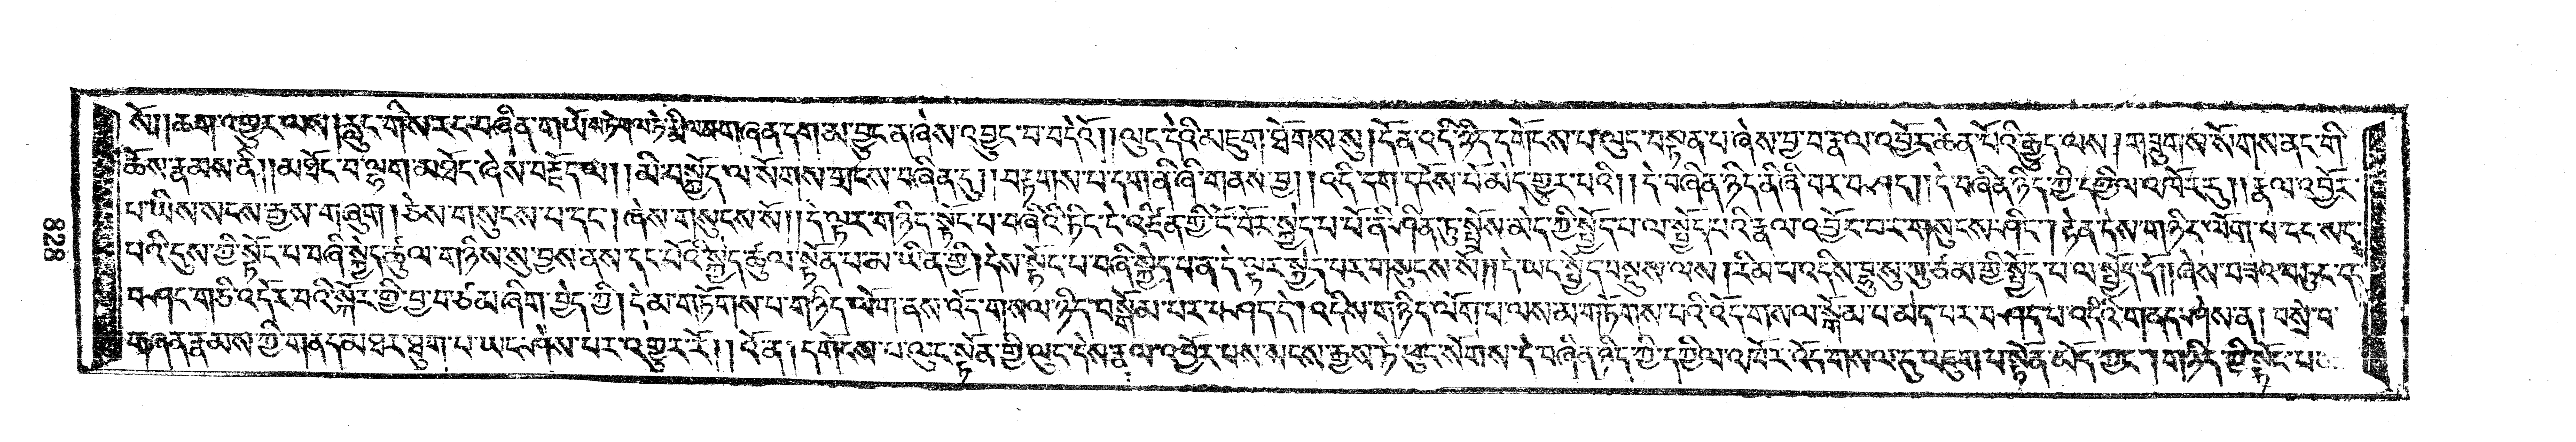སོ། །ཆག་འགྱུར་ལས། །རླུང་གིས་རང་བཞིན་གཡོས་ཏེ་གལ་ཏེ་རྨི་ལམ་གཞན་དག་མ་བྱུང་ན་ཞེས་འབྱུང་བ་བདེའོ། །ལུང་དེའི་མཇུག་ཐོགས་སུ། དོན་འདི་ཉིད་དགོངས་པ་ལུང་བསྟན་པ་ཞེས་བྱ་བ་རྣལ་འབྱོར་ཆེན་པོའི་རྒྱུད་ལས། གཟུགས་སོགས་ནང་གི་
ཆོས་རྣམས་ནི། །མཐོང་བ་ལྷག་མཐོང་ཞེས་བརྗོད་ལ། །མི་བསྐྱོད་ལ་སོགས་གྲངས་བཞིན་དུ། །བརྟགས་པ་དག་ནི་ཞི་གནས་བྱ། །འདི་དག་དངོས་པོ་མེད་གྱུར་པའི། །དེ་བཞིན་ཉིད་ནི་ཞི་བར་བཤད། །དེ་བཞིན་ཉིད་ཀྱི་དཀྱིལ་འཁོར་དུ། །རྣལ་འབྱོར་
པ་ཡིས་སངས་རྒྱས་གཞུག །ཅེས་གསུངས་པ་དང་། ཞེས་གསུངས་སོ། །དེ་ལྟར་གཉིད་སྟོང་པ་བཞིའི་ཏིང་ངེ་འཛིན་གྱི་ངོ་བོར་སྐྱེད་པ་པོ་ནི་ཤིན་ཏུ་སྤྲོས་མེད་ཀྱི་སྤྱོད་པ་ལ་སྤྱོད་པའི་རྣལ་འབྱོར་པར་གསུངས་ཤིང་། །རྟེན་དེས་གཉིད་ལོག་པ་དང་སང་
པའི་དུས་ཀྱི་སྟོང་པ་བཞི་སྐྱེད་ཚུལ་གཉིས་སུ་བྱས་ནས་དང་པོའི་སྐྱེད་ཚུལ་སྟོན་པ་མ་ཡིན་གྱི། །དེས་སྟོང་པ་བཞི་སྐྱེད་པ་ན་དེ་ལྟར་སྐྱེད་པར་གསུངས་སོ། །དེ་ཡང་སྤྱོད་བསྡུས་ལས། །རིམ་པ་འདིས་བྷུ་སུ་ཀུ་ཙམ་གྱི་སྤྱོད་པ་ལ་སྦྱོད་དོ། །ཞེས་བཟའ་བཏུང་དང་
བཤད་གཅི་འདོར་བའི་སྐོར་གྱི་བྱ་བ་ཙམ་ཞིག་བྱེད་ཀྱི། དེ་མ་གཏོགས་པ་གཉིད་ལོག་ནས་འོད་གསལ་ཉིད་བསྒོམ་པར་བཤད་དེ། འདིས་གཉིད་ལོག་པ་ལས་མ་གཏོགས་པའི་འོད་གསལ་སྒོམ་པ་མེད་པར་བཤད་པ་འདིའི་གནད་ཤེས་ན། བསྲེ་བ་
གཞན་རྣམས་ཀྱི་གནད་མཐར་ཐུག་པ་ཡང་ཤེས་པར་འགྱུར་རོ། །འོ་ན། དགོངས་པ་ལུང་སྟོན་གྱི་ལུང་ངེས་རྣལ་འབྱོར་པས་སངས་རྒྱས་ཏེ་ཕུང་སོགས་དེ་བཞིན་ཉིད་ཀྱི་དཀྱིལ་འཁོར་འོད་གསལ་དུ་འཇུག་པ་སྟོན་མོད་ཀྱང་། གཉིད་ཀྱི་སྟོང་པ་